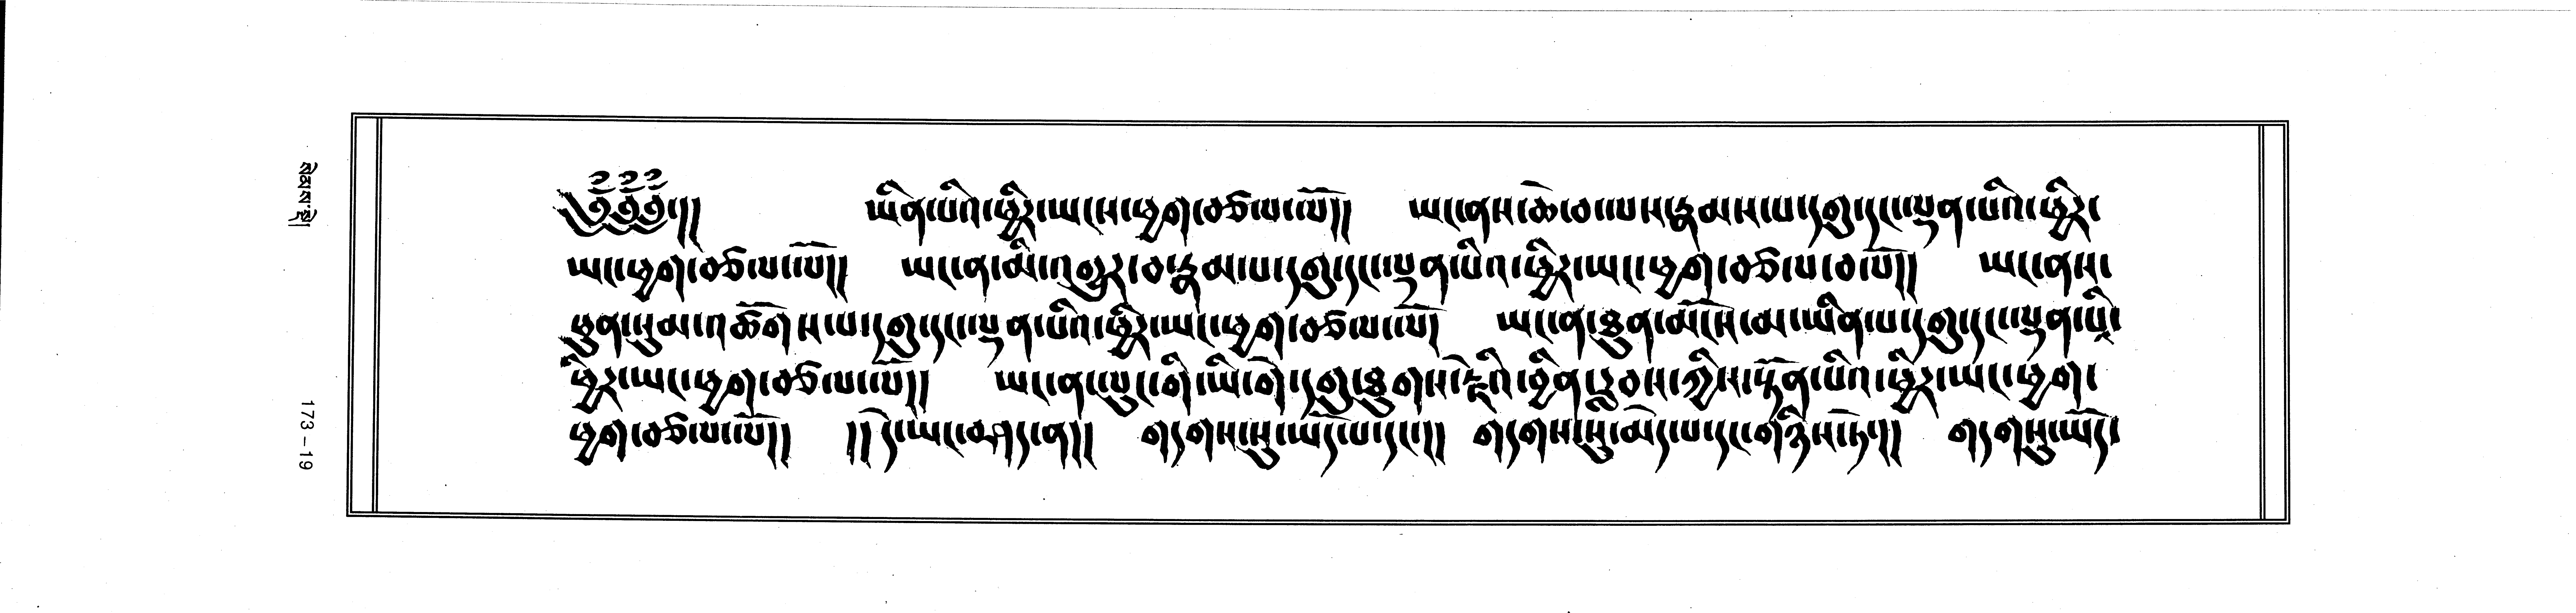ཡིན་པའི་ཕྱིར་ཡང་ཕྱག་བཙལ་ལོ། ཡང་ནས་ཆེ་བ་ལས་རྣམ་པ་དགུ་དང་ལྡན་པའི་ཕྱིར་
ཡང་ཕྱག་བཙལ་བའོ། །ཡ་ན་མི་འགྱུར་བ་རྣམ་པ་དགུ་དང་ལྡན་པའི་ཕྱིར་ཡང་ཕྱག་བཙལ་བའོ། །ཡང་ན་
ཕུན་སུམ་ཚོགས་པ་དགུ་དང་ལྡན་པའི་ཕྱིར་ཕྱག་བཙལ་ལོ། །ཡང་ན་ཐུན་མོང་མ་ཡིན་པ་དགུ་དང་ལྡན་པའི་
ཕྱིར་ཕྱག་བཙལ་ལོ། །ཡང་ན་ལུང་གི་ཡི་གེ་དགུ་ཐུགས་རྗེའི་བྱིན་རླབས་ཀྱིས་སྟོན་པའི་ཕྱིར་ཡང་ཕྱག་
བཙལ་ལོ། །དེ་ཡང་བཤད་ན། གདགས་སུ་ཡོད་པ་དང་། གདགས་སུ་མེད་པ་དང་གཉིས་ཏེ། གདགས་སུ་ཡོད་